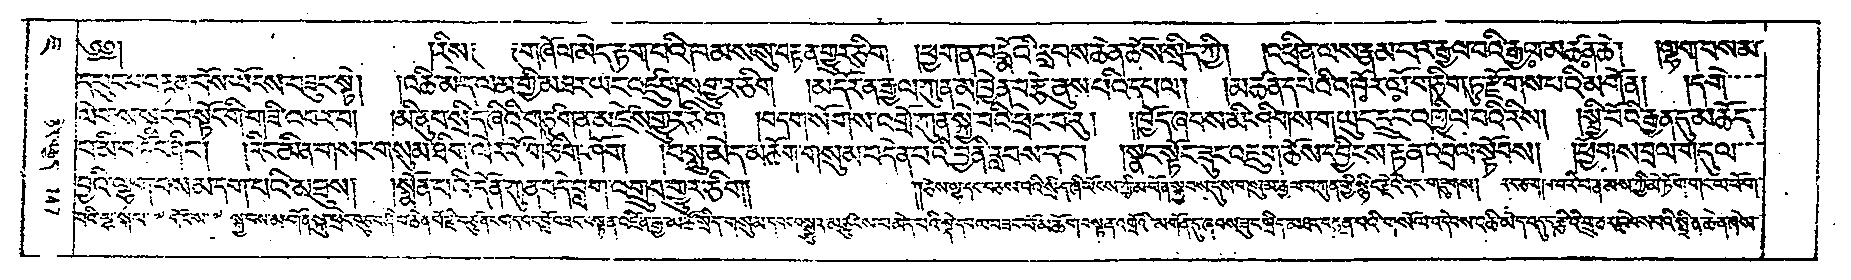༄༅། །རིས༑ ༑གཞོལ་མེད་རྟག་པའི་ཁམས་སུ་བརྟན་གྱུར་ཅིག །ཕྱག་ན་པདམོའི་རླབས་ཆེན་ཆོས་སྲིད་ཀྱི། །འཕྲིན་ལས་རྣམ་པར་རྒྱལ་བའི་རྒྱལ་མཚན་ཆེ། །ལྷག་བསམ་
དཔུང་པ་བརྟན་པོས་ཡོངས་བཟུང་སྟེ། །འཆི་མེད་ལམ་གྱི་མཐར་ཡང་འཛུགས་གྱུར་ཅིག །མདོར་ན་རྒྱལ་ཀུན་མཁྱེན་བརྩེ་ནུས་པའི་དཔལ། །མཚན་དཔེའི་འཁོར་ལོ་གཅིག་ཏུ་རྫོགས་པའི་མགོན། །དགེ་
ལེགས་སྣང་བ་སྟོང་གི་གཟི་འབར་བ། །མི་ནུབ་སྲིད་ཞིའི་གཙུག་ན་མཛེས་གྱུར་ཅིག །བདག་སོགས་འགྲོ་ཀུན་སྐྱེ་བའི་ཕྲེང་བ་རུ། །ཁྱོད་ཞབས་མི་ཤིགས་གཡུང་དྲུང་འཁྱིལ་བའི་རིས། །སྤྱི་བོའི་རྒྱན་དུ་མཆོད་
པ་མི་གཏོང་ཞིང་། །རིང་མིན་གསང་གསུམ་ཐིག་ལེར་རོ་གཅིག་ཤོག །བསླུ་མེད་མཆོག་གསུམ་བདེན་པའི་བྱིན་རླབས་དང་། །སྣང་སྟོང་ཟུང་འཇུག་ཆོས་དབྱིངས་རྟེན་འབྲེལ་སྟོབས། །ཕྱོགས་བྲལ་གདུལ་
བྱའི་ལྷག་བསམ་དག་པའི་མཐུས། །སྨོན་པའི་དོན་ཀུན་བདེ་བླག་འགྲུབ་གྱུར་ཅིག ། །།ཅེས་ལྷ་དང་བཅས་པའི་སྲིད་ཞི་ཡོངས་ཀྱི་མགོན་སྐྱབས་དུས་གསུམ་རྒྱལ་བ་ཀུན་གྱི་སྙིང་རྗེའི་རང་གཟུགས། རང་ཅག་ཁ་བ་རི་པ་རྣམས་ཀྱི་མེ་ཏོག་གང་ལ་ཕོག་
པའི་ལྷ་སྐལ་༧་གོངས་ས་༧་སྐྱབས་མགོན་སྐུ་ཕྲེང་བཅུ་བཞི་པ་ཆེན་པོ་རྗེ་བཙུན་ངག་དབང་བློ་བཟང་བསྟན་འཛིན་རྒྱ་མཚོ་སྲིད་གསུམ་དབང་བསྒྱུར་མཚུངས་པ་མེད་པའི་སྡེ་དཔལ་བཟང་པོ་མཆོག་བསྟན་འགྲོའི་མགོན་དུ་ཞབས་ཟུང་སྲིད་མཐར་བརྟན་པའི་གསོལ་འདེབས་འཆི་མེད་བདུད་རྩིའི་གྲུ་ཆར་འབེབས་པའི་སྤྲིན་ཆེན་ཞེས་